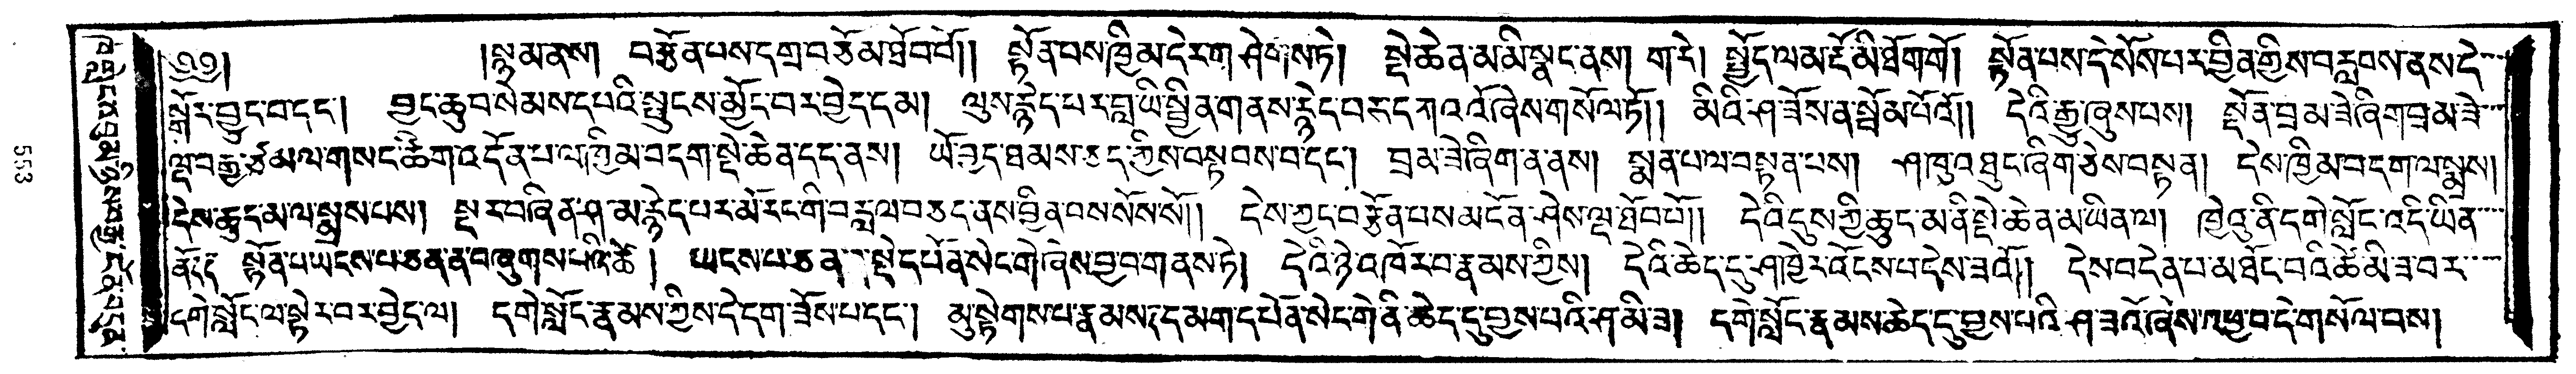༄༅། །སྙམ་ནས། བརྩོན་པས་དགྲ་བཅོམ་ཐོབ་བོ། །སྟོན་པས་ཁྱིམ་དེར་གཤེགས་ཏོ། སྡེ་ཆེན་མ་མི་སྣང་ནས། ག་རེ། སྤྱོད་ལམ་རྡོ་མི་ཐོག་གོ། སྟོན་པས་དེ་སོས་པར་བྱིན་གྱིས་བརླབས་ནས་དེ་
སྒོར་བྱུང་བ་དང་། བྱང་ཆུབ་སེམས་དཔའི་སྤུངས་མྱོང་བར་བྱེད་དམ། ལུས་རྙེད་པར་བླ་ཡི་སྦྱིན་གནས་རྙེད་པར་དཀའ་འོ་ཞེས་གསོལ་ཏོ།། མིའི་ཤ་ཟོས་ན་སྦོམ་པོའོ།། དེའི་རྒྱུ་ཞུས་པས། སྔོན་བྲམ་ཟེ་ཞིག་བྲམ་ཟེ་
ལྔ་བརྒྱ་ཙམ་ལ་གསང་ཚིག་འདོན་པ་ལ་ཁྱིམ་བདག་སྡེ་ཆེན་དད་ནས། ཡོ་བྱད་ཐམས་ཅད་ཀྱིས་བསྟབས་པ་དང་། བྲམ་ཟེ་ཞིག་ན་ནས། སྨན་པ་ལ་བསྟན་པས། ཤ་ཁུ་འཐུང་ཞིག་ཅེས་བསྟན། དེས་ཁྱིམ་བདག་ལ་སྨྲས།
དེས་ཆུང་མ་ལ་སྨྲས་པས། སྔར་བཞིན་ཤ་མ་རྙེད་པར་མོ་རང་གི་བརླ་ལ་བཅད་ནས་བྱིན་བས་སོས་སོ།། དེས་ཀྱང་བརྩོན་པས་མངོན་ཤེས་ལྔ་ཐོབ་པོ། །དེའི་དུས་ཀྱི་ཆུང་མ་ནི་སྡེ་ཆེན་མ་ཡིན་ལ། ཁྱེའུ་ནི་དགེ་སློང་འདི་ཡིན་
ནོ༑༑ སྟོན་པ་ཡངས་པ་ཅན་ན་བཞུགས་པའི་ཚེ། ཡངས་པ་ཅན་ན་སྡེ་དཔོན་སེང་གེ་ཞེས་བྱ་བ་གནས་ཏེ། དེའི་ཉེ་འཁོར་བ་རྣམས་ཀྱིས། དེའི་ཆེད་དུ་ཤ་ཁྱེར་འོངས་པ་དེས་ཟའོ།། དེས་བདེན་པ་མཐོང་བའི་ཚེ་མི་ཟ་བར་
དགེ་སློང་ལ་སྟེར་བར་བྱེད་ལ། དགེ་སློང་རྣམས་ཀྱིས་དེ་དག་ཟོས་པ་དང་། མུ་སྟེགས་པ་རྣམས༑ དམག་དཔོན་སེང་གེ་ནི་ཆེད་དུ་བྱས་པའི་ཤ་མི་ཟ། དགེ་སློང་རྣམས་ཆེད་དུ་བྱས་པའི་ཤ་ཟའོ་ཞེས་འཕྱ་བ་དེ་གསོལ་བས།